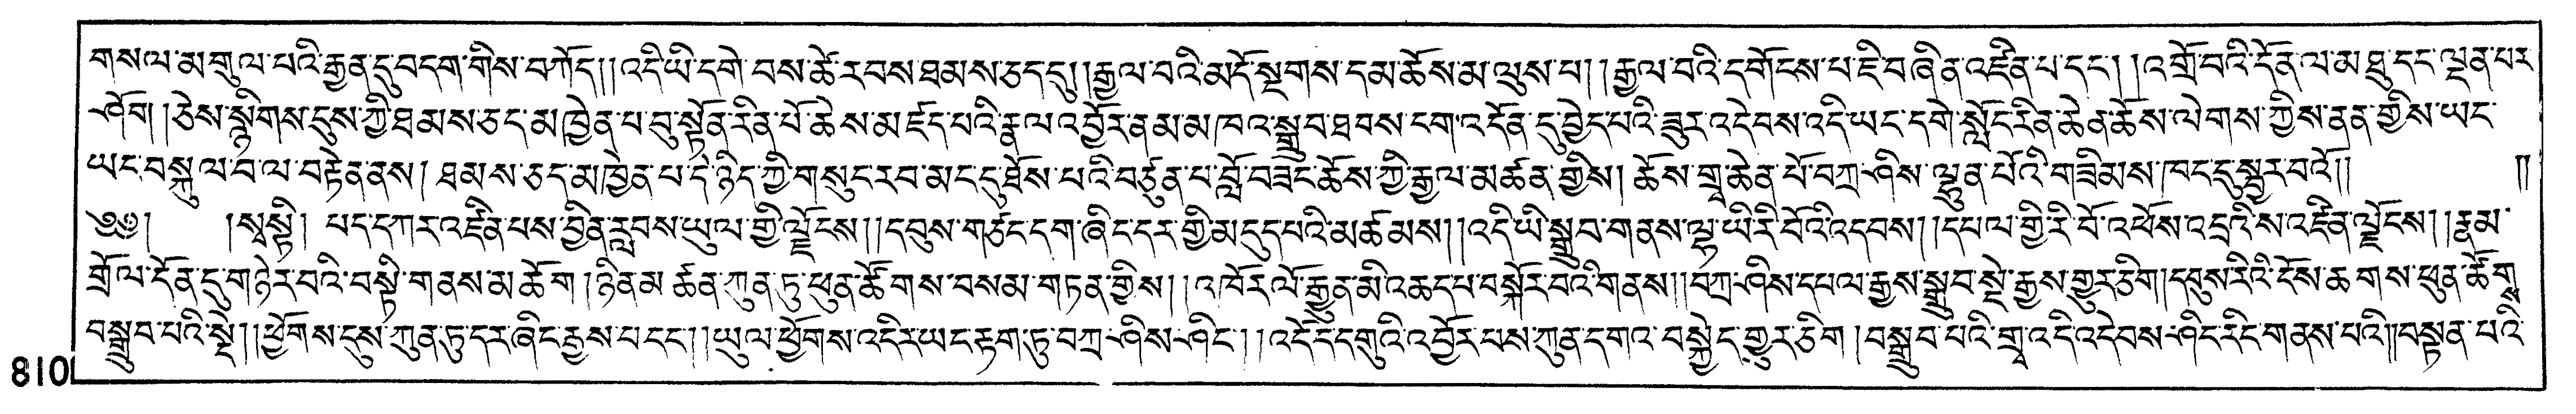གསལ་མགུལ་བའི་རྒྱན་དུ་བདག་གིས་བཀོད། །འདི་ཡི་དགེ་བ་ཚེ་རབས་ཐམས་ཅད་དུ། །རྒྱལ་བའི་མདོ་སྔགས་དམ་ཆོས་མ་ལུས་པ། །རྒྱལ་བའི་དགོངས་པ་ཇི་བཞིན་འཛིན་པ་དང་། །འགྲོ་བའི་དོན་ལ་མཐུ་དང་ལྡན་པར་
ཤོག །ཅེས་སྙིགས་དུས་ཀྱི་ཐམས་ཅད་མཁྱེན་པ་བུ་སྟོན་རིན་པོ་ཆེས་མཛད་པའི་རྣལ་འབྱོར་ནམ་མཁའ་སྒྲུབ་ཐབས་ངག་འདོན་དུ་བྱེད་པའི་ཟུར་འདེབས་འདི་ཡང་དགེ་སློང་རིན་ཆེན་ཆོས་ལེགས་ཀྱིས་ནན་གྱིས་ཡང་
ཡང་བསྐུལ་བ་ལ་བརྟེན་ནས། ཐམས་ཅད་མཁྱེན་པ་དེ་ཉིད་ཀྱི་གསུང་རབ་མང་དུ་ཐོས་པའི་བཙུན་པ་བློ་བཟང་ཆོས་ཀྱི་རྒྱལ་མཚན་གྱིས། ཆོས་གྲྭ་ཆེན་པོ་བཀྲ་ཤིས་ལྷུན་པོའི་གཟིམས་ཁང་དུ་སྦྱར་བའོ།། །།
༄༅། །སྭསྟི། པད་དཀར་འཛིན་པས་བྱིན་རླབས་ཡུལ་གྱི་ལྗོངས། །དབུས་གཙང་དག་ཞིང་དར་གྱི་མདུད་པའི་མཚམས། །འདི་ཡི་སྒྲུབ་གནས་ལྷ་ཡི་རི་བོའི་འདབས། །དཔལ་གྱི་རི་བོ་འཕོས་འདྲའི་ས་འཛིན་ལྗོངས། །རྣམ་
གྲོལ་དོན་དུ་གཉེར་བའི་བསྟི་གནས་མཆོག །ཉིན་མཚན་ཀུན་ཏུ་ཕུན་ཚོགས་བསམ་གཏན་གྱིས། །འཁོར་ལོ་རྒྱུན་མི་འཆད་པ་བསྐོར་བའི་གནས། །བཀྲ་ཤིས་དཔལ་རྒྱས་སྒྲུབ་སྡེ་རྒྱས་གྱུར་ཅིག །དབུས་རིའི་ངོས་ཆགས་ཕུན་ཚོགས་
བསྒྲུབ་པའི་སྡེ། །ཕྱོགས་དུས་ཀུན་ཏུ་དར་ཞིང་རྒྱས་པ་དང་། །ཡུལ་ཕྱོགས་འདིར་ཡང་རྟག་ཏུ་བཀྲ་ཤིས་ཤིང་། །འདོད་དགུའི་འབྱོར་པས་ཀུན་དགའ་བསྐྱེད་གྱུར་ཅིག །བསྒྲུབ་པའི་གྲྭ་འདི་འདེབས་ཤིང་རིང་གནས་པའི། །བསྟན་པའི་